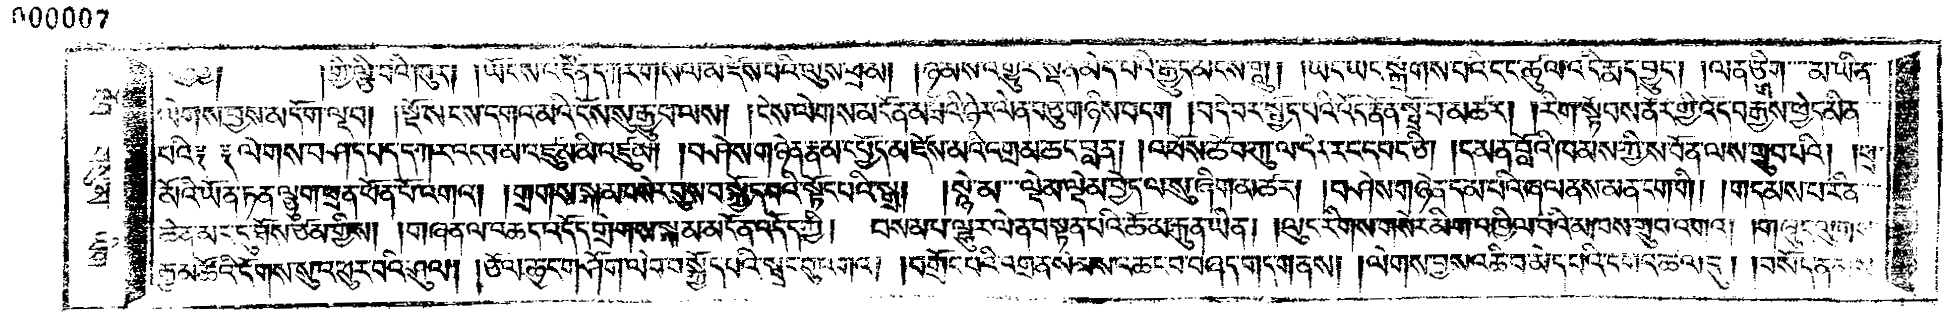༄༅། །གྱི་ལྕི་བའི་ཁུར། །ཡོངས་འཛིན་དཀར་གསལ་མཛེས་པའི་ལུས་ཕྲ་མ། །ཉམས་འགྱུར་སྡན་མེད་པའི་རྒྱུད་མངས་གླུ། །ཡང་ཡང་སྒྲོགས་པའི་ངང་ཚུལ་འདི་རྨད་བྱུང་། །ལན་གཅིག་མ་ཡིན་
ལེགས་བྱས་མདོག་ལྔ་བ། །སྔོ་སངས་དགའ་མའི་ངོས་སུ་རྒྱུ་བ་ལས། །ངེས་ལེགས་མངོན་མཐོའི་ཉེར་ལེན་བཅུ་གཉིས་བདག །བདེ་བར་སྤྱོད་པའི་འོད་རྣོན་སྤྲོ་བ་མཚར། །རིག་སྟོབས་ནོར་གྱི་འོད་བརྒྱས་ཕྱེད་མིན་
པའི༑ ༑ལེགས་བཤད་པད་དཀར་འང་བ་མ་འཛུམ་མི་འཛུམ། །བཤེས་གཉེན་རྣམ་དཔྱོད་མཛེས་མའི་འགྲམ་ཆང་བླ་ན། །འཕོས་ཚེ་བ་ཀུ་ལ་དེར་རང་དབང་ཅི། །དམན་བློའི་ཁམས་ཀྱི་ས་བོན་ལས་གྲུབ་པའི། །ཕྲ་
མོའི་ཡོན་ཏན་ལྕུག་ཕྲན་ཕོན་པོ་འགའ། །གྲགས་སྐམ་བསེར་བུས་བསྐྱོད་པའི་སྟོང་པའི་སྒྲ། །སྙེ་མ་ལྡེམ་ལྡེམ་བྱེད་ལ་སུ་ཞིག་མཚར། །བཤེས་གཉེན་དམ་པའི་ཞལ་ནས་མན་ངག་གི། །གདམས་པ་རིན་
ཆེན་མང་དུ་ཐོས་ཙམ་གྱིས། །གཞན་ལ་འཆད་འདོད་གྲེགས་སྐམ་མངོན་འདོད་ཀྱི། བསམ་པ་ལྷུར་ལེན་བསྟན་པའི་ཆོ་མ་རྐུན་ཡིན། །ལུང་རིགས་གསེར་མིག་འཁྱིལ་བའི་མཁས་གྲུབ་འགའ། །གཞུང་ལུགས་
རྒྱ་མཚོའི་ངོགས་སུ་འཕུར་བའི་ཤུལ། །ཅོལ་ཆུང་གཤོག་ལེབ་བསྐྱོད་པའི་སྦྲང་བུ་འགའ། །བགྲོང་པའི་འགྲན་སེམས་འཆང་བ་བཞད་གད་གནས། །ལེགས་བྱས་འཆི་བ་མེད་པའི་དགའ་ཚལ་དུ། །བསོད་ནམས་